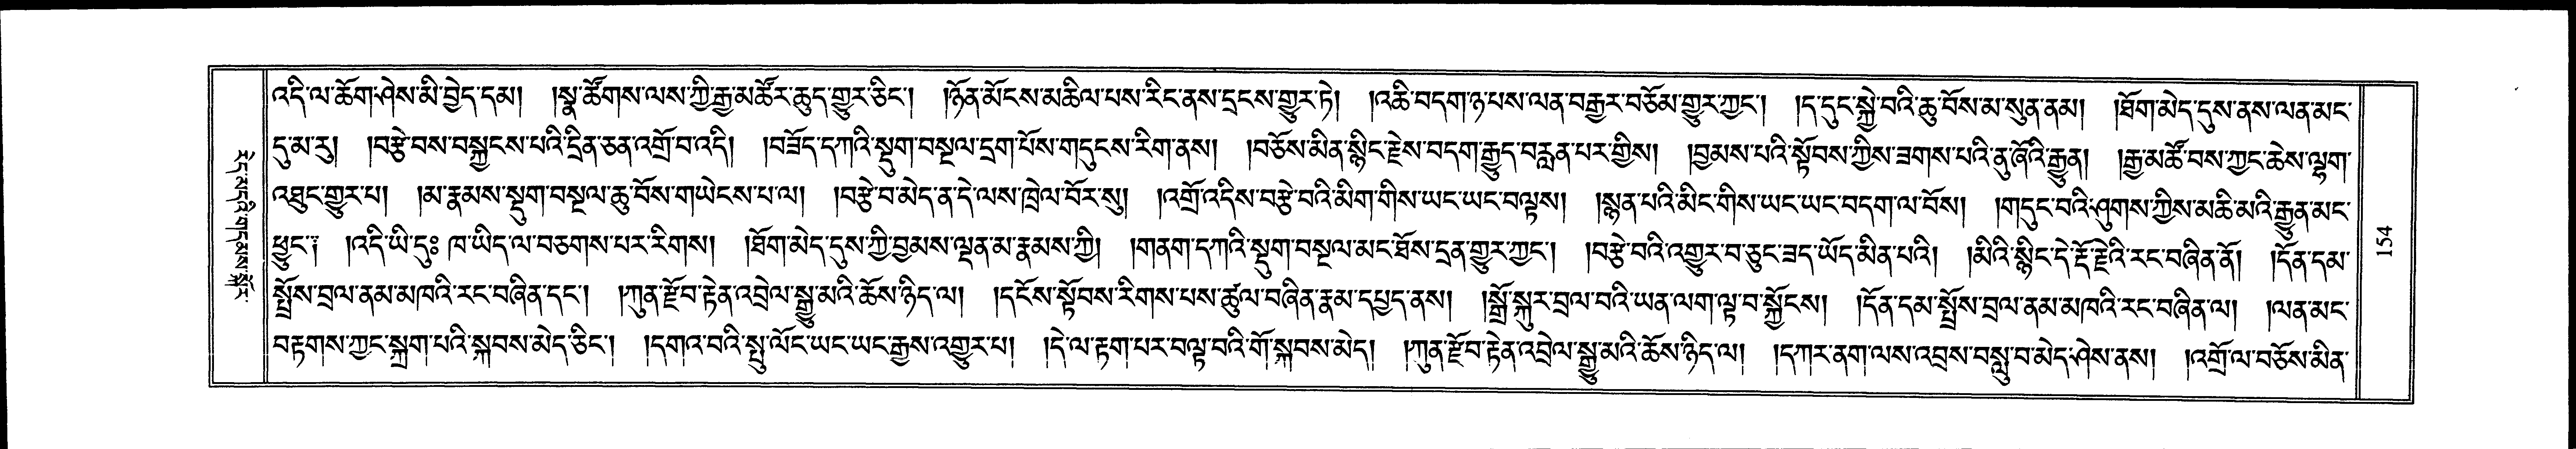འདི་ལ་ཆོག་ཤེས་མི་བྱེད་དམ། །སྣ་ཚོགས་ལས་ཀྱི་རྒྱ་མཚོར་ཆུད་གྱུར་ཅིང་། །ཉོན་མོངས་མཆིལ་པས་རིང་ནས་དྲངས་གྱུར་ཏེ། །འཆི་བདག་ཉ་པས་ལན་བརྒྱར་བཅོམ་གྱུར་ཀྱང་། །ད་དུང་སྐྱེ་བའི་ཆུ་བོས་མ་སུན་ནམ། །ཐོག་མེད་དུས་ནས་ལན་མང་
དུ་མ་རུ། །བརྩེ་བས་བསྐྱངས་པའི་དྲིན་ཅན་འགྲོ་བ་འདི། །བཟོད་དཀའི་སྡུག་བསྔལ་དྲག་པོས་གདུངས་རིག་ནས། །བཅོས་མིན་སྙིང་རྗེས་བདག་རྒྱུད་བརླན་པར་གྱིས། །བྱམས་པའི་སྟོབས་ཀྱིས་ཟགས་པའི་ནུ་ཞོའི་རྒྱུན། །རྒྱ་མཚོ་བས་ཀྱང་ཆེས་ལྷག་
འཐུང་གྱུར་པ། །མ་རྣམས་སྡུག་བསྔལ་ཆུ་བོས་གཡེངས་པ་ལ། །བརྩེ་བ་མེད་ན་དེ་ལས་ཁྲེལ་བོར་སུ། །འགྲོ་འདིས་བརྩེ་བའི་མིག་གིས་ཡང་ཡང་བལྟས། །སྙན་པའི་མིང་གིས་ཡང་ཡང་བདག་ལ་བོས། །གདུང་བའི་ཤུགས་ཀྱིས་མཆི་མའི་རྒྱུན་མང་
ཕྱུང་། །འདི་ཡི་དུཿ ཁ་ཡིད་ལ་བཅགས་པར་རིགས། །ཐོག་མེད་དུས་ཀྱི་བྱམས་ལྡན་མ་རྣམས་ཀྱི། །གནག་དཀའི་སྡུག་བསྔལ་མང་ཐོས་དྲན་གྱུར་ཀྱང་། །བརྩེ་བའི་འགྱུར་བ་ཅུང་ཟད་ཡོད་མིན་པའི། །མིའི་སྙིང་དེ་རྡོ་རྗེའི་རང་བཞིན་ནོ། །དོན་དམ་
སྤྲོས་བྲལ་ནམ་མཁའི་རང་བཞིན་དང་། །ཀུན་རྫོབ་རྟེན་འབྲེལ་སྒྱུ་མའི་ཆོས་ཉིད་ལ། །དངོས་སྟོབས་རིགས་པས་ཚུལ་བཞིན་རྣམ་དཔྱད་ནས། །སྒྲོ་སྐུར་བྲལ་བའི་ཡན་ལག་ལྟ་བ་སྐྱོངས། །དོན་དམ་སྤྲོས་བྲལ་ནམ་མཁའི་རང་བཞིན་ལ། །ལན་མང་
བརྟགས་ཀྱང་སྐྲག་པའི་སྐབས་མེད་ཅིང་། །དགའ་བའི་སྤུ་ལོང་ཡང་ཡང་རྒྱས་འགྱུར་པ། །དེ་ལ་རྟག་པར་བལྟ་བའི་གོ་སྐབས་མེད། །ཀུན་རྫོབ་རྟེན་འབྲེལ་སྒྱུ་མའི་ཆོས་ཉིད་ལ། །དཀར་ནག་ལས་འབྲས་བསླུ་བ་མེད་ཤེས་ནས། །འགྲོ་ལ་བཅོས་མིན་